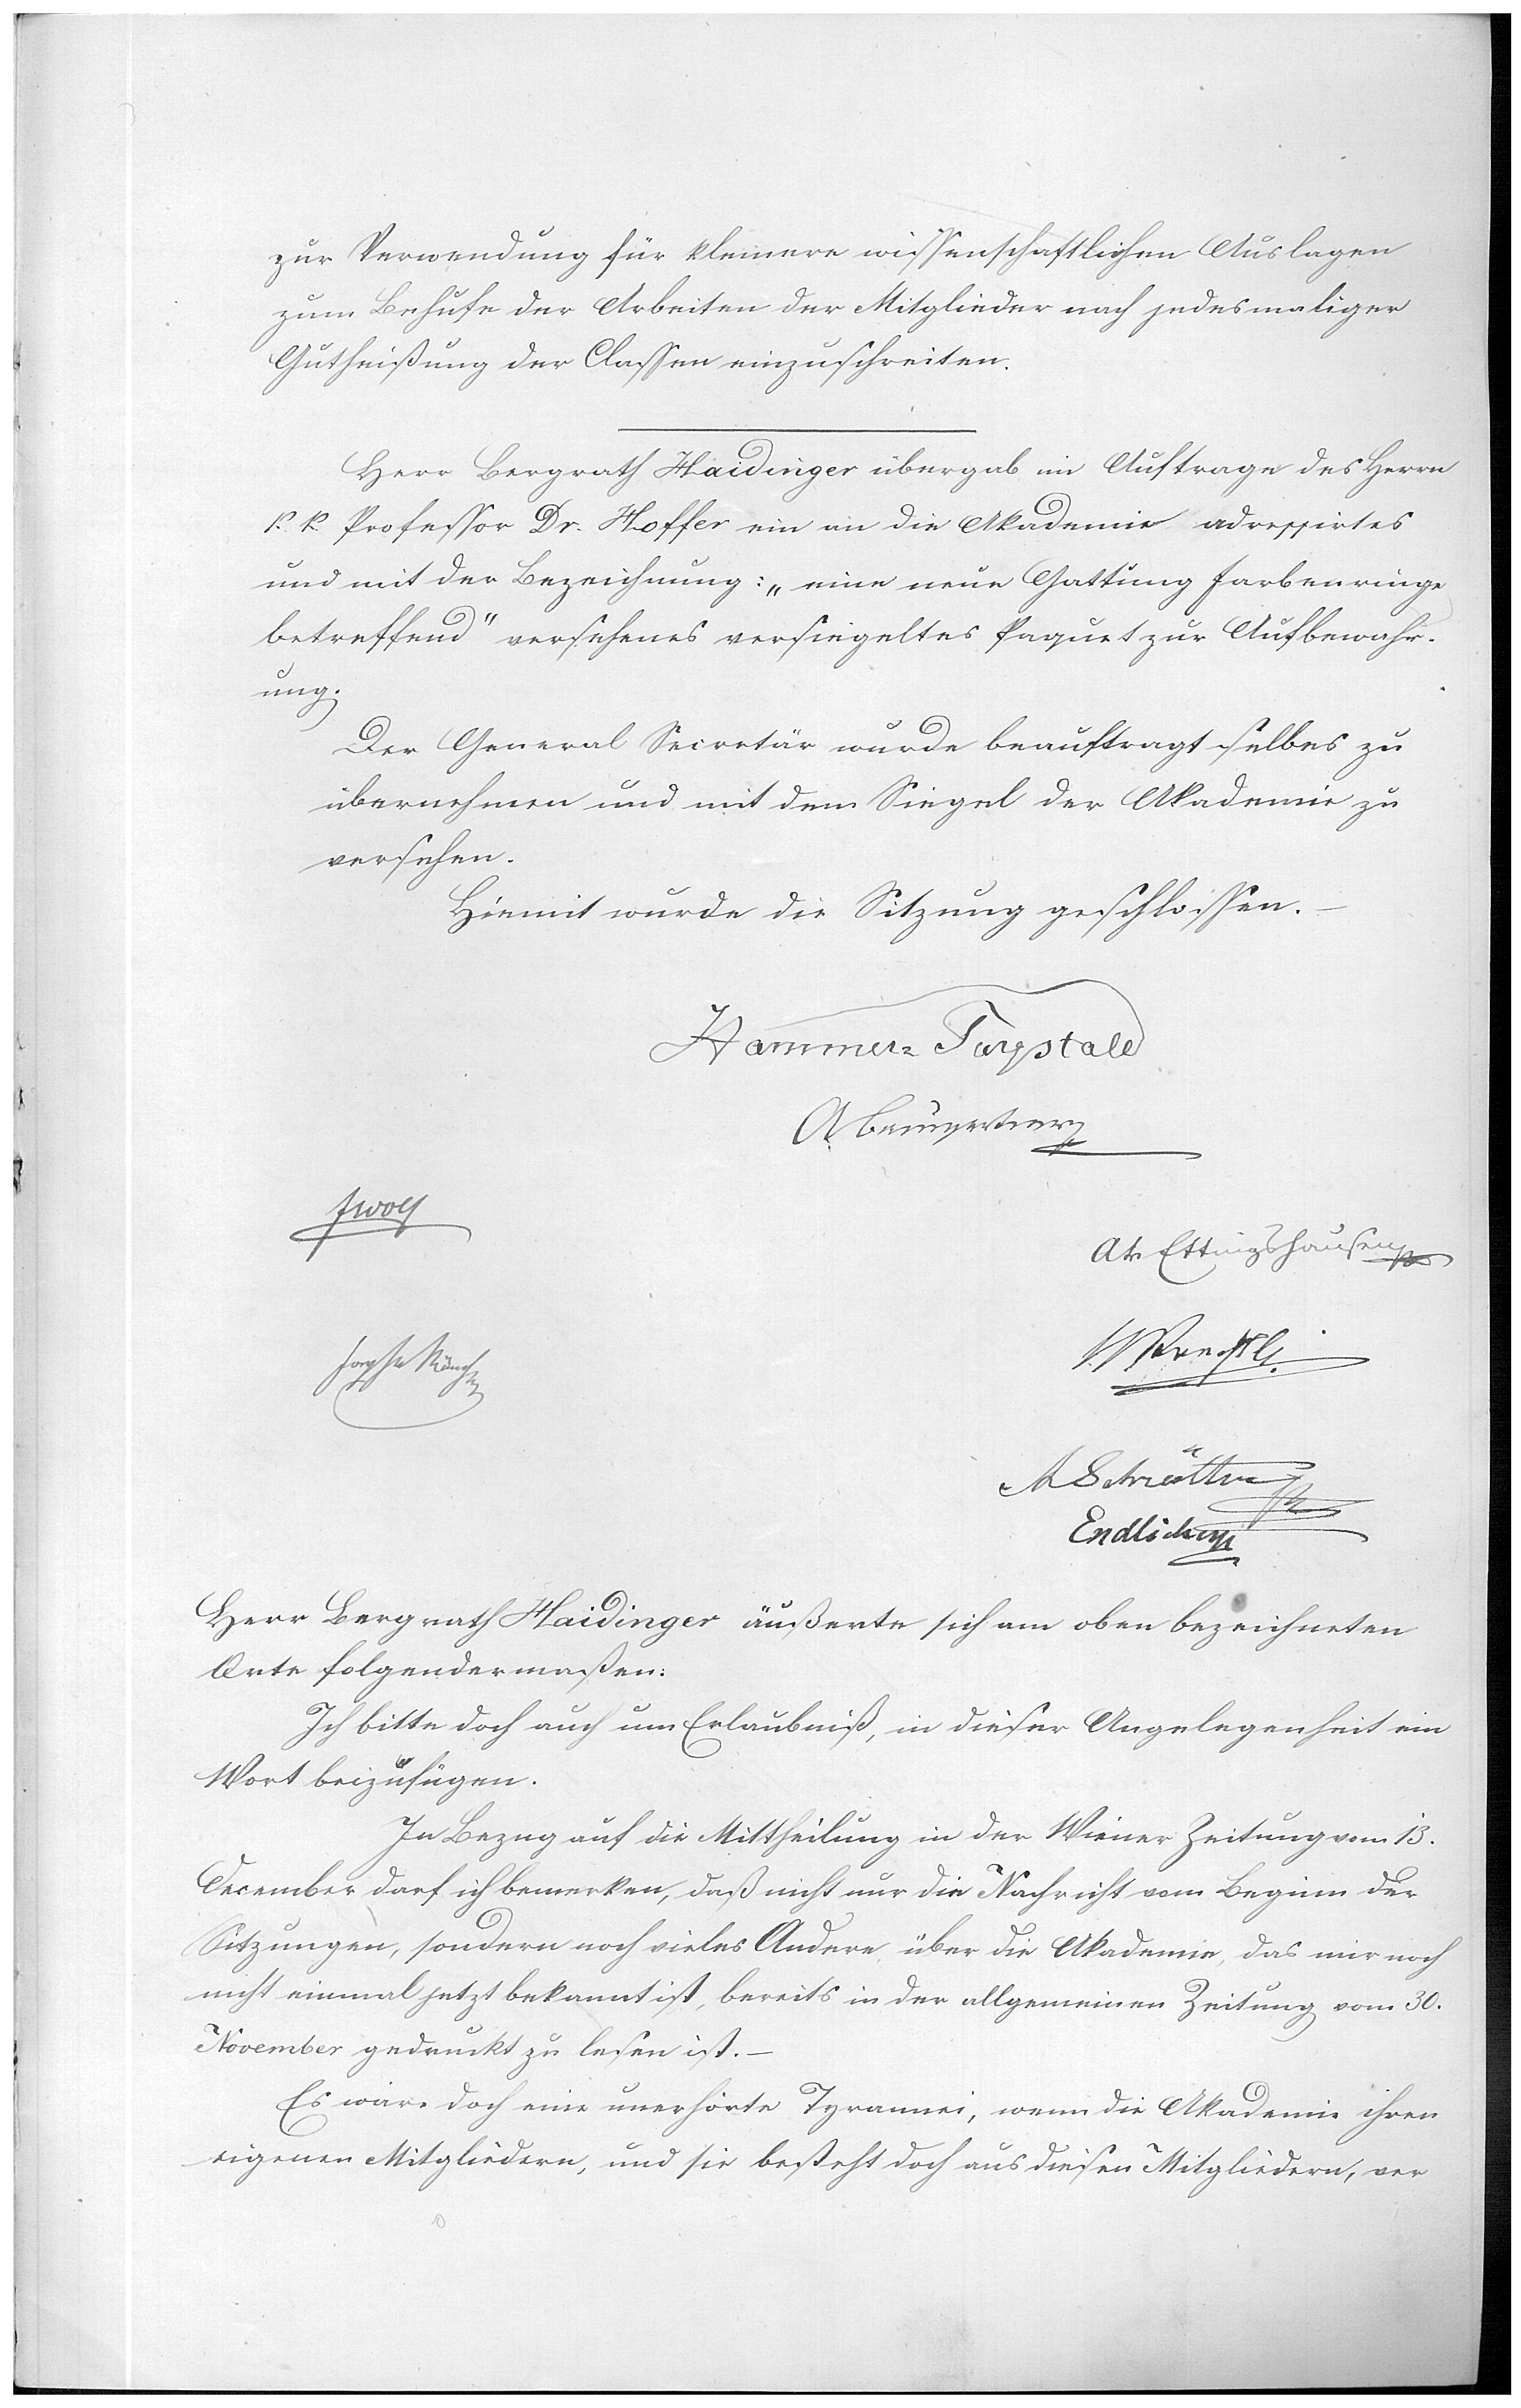zur Verwendung für kleinern wissenschaftlichen Auslagen
zum Behufe der Arbeiten der Mitglieder nach jedesmaliger
Gutheißung der Classen einzuschreiten.
Herr Bergrath Haidinger übergab im Auftrage des Herrn
k.k. Professor Dr. Hoffer ein an die Akademie adressirtes
und mit der Bezeichnung "eine neue Gattung Farbenringe
betreffen" versehenes versiegeltes Parquet zur Aufbewahr-
ung.
Der General-Secretär wurde beauftragt selbes zu
übernehmen und mit dem Siegel der Akademie zu
versehen.
Hiemit wurde die Sitzung geschlossen.
Hammer-Purgstall
A Baumgartner
F Wolf
A v Ettingshausen
Freyh v Münch
JJPrechtl
A Schrötter
Endlicher
Herr Bergrath Haidinger äußerte sich am oben bezeichneten
Orte folgendermaßen:
Ich bitte doch auch um Erlaubniß, in dieser Angelegenheit ein
Wort beizufügen.
In Bezug auf die Mittheilung in der Wiener Zeitung vom 13.
December darf ich bemerken, daß nicht nur die Nachricht vom Beginn der
Sitzungen, sondern noch vieles Andere über die Akademie, das mir noch
nicht einmal jetzt bekannt ist, bereits in der allgemeinen Zeitung vom 30.
November gedruckt zu lesen ist.
Es wäre doch eine unerhörte Tyrannei, wenn die Akademie ihrer
eigenen Mitgliedern, und die besteht doch aus diesen Mitgliedern, ver